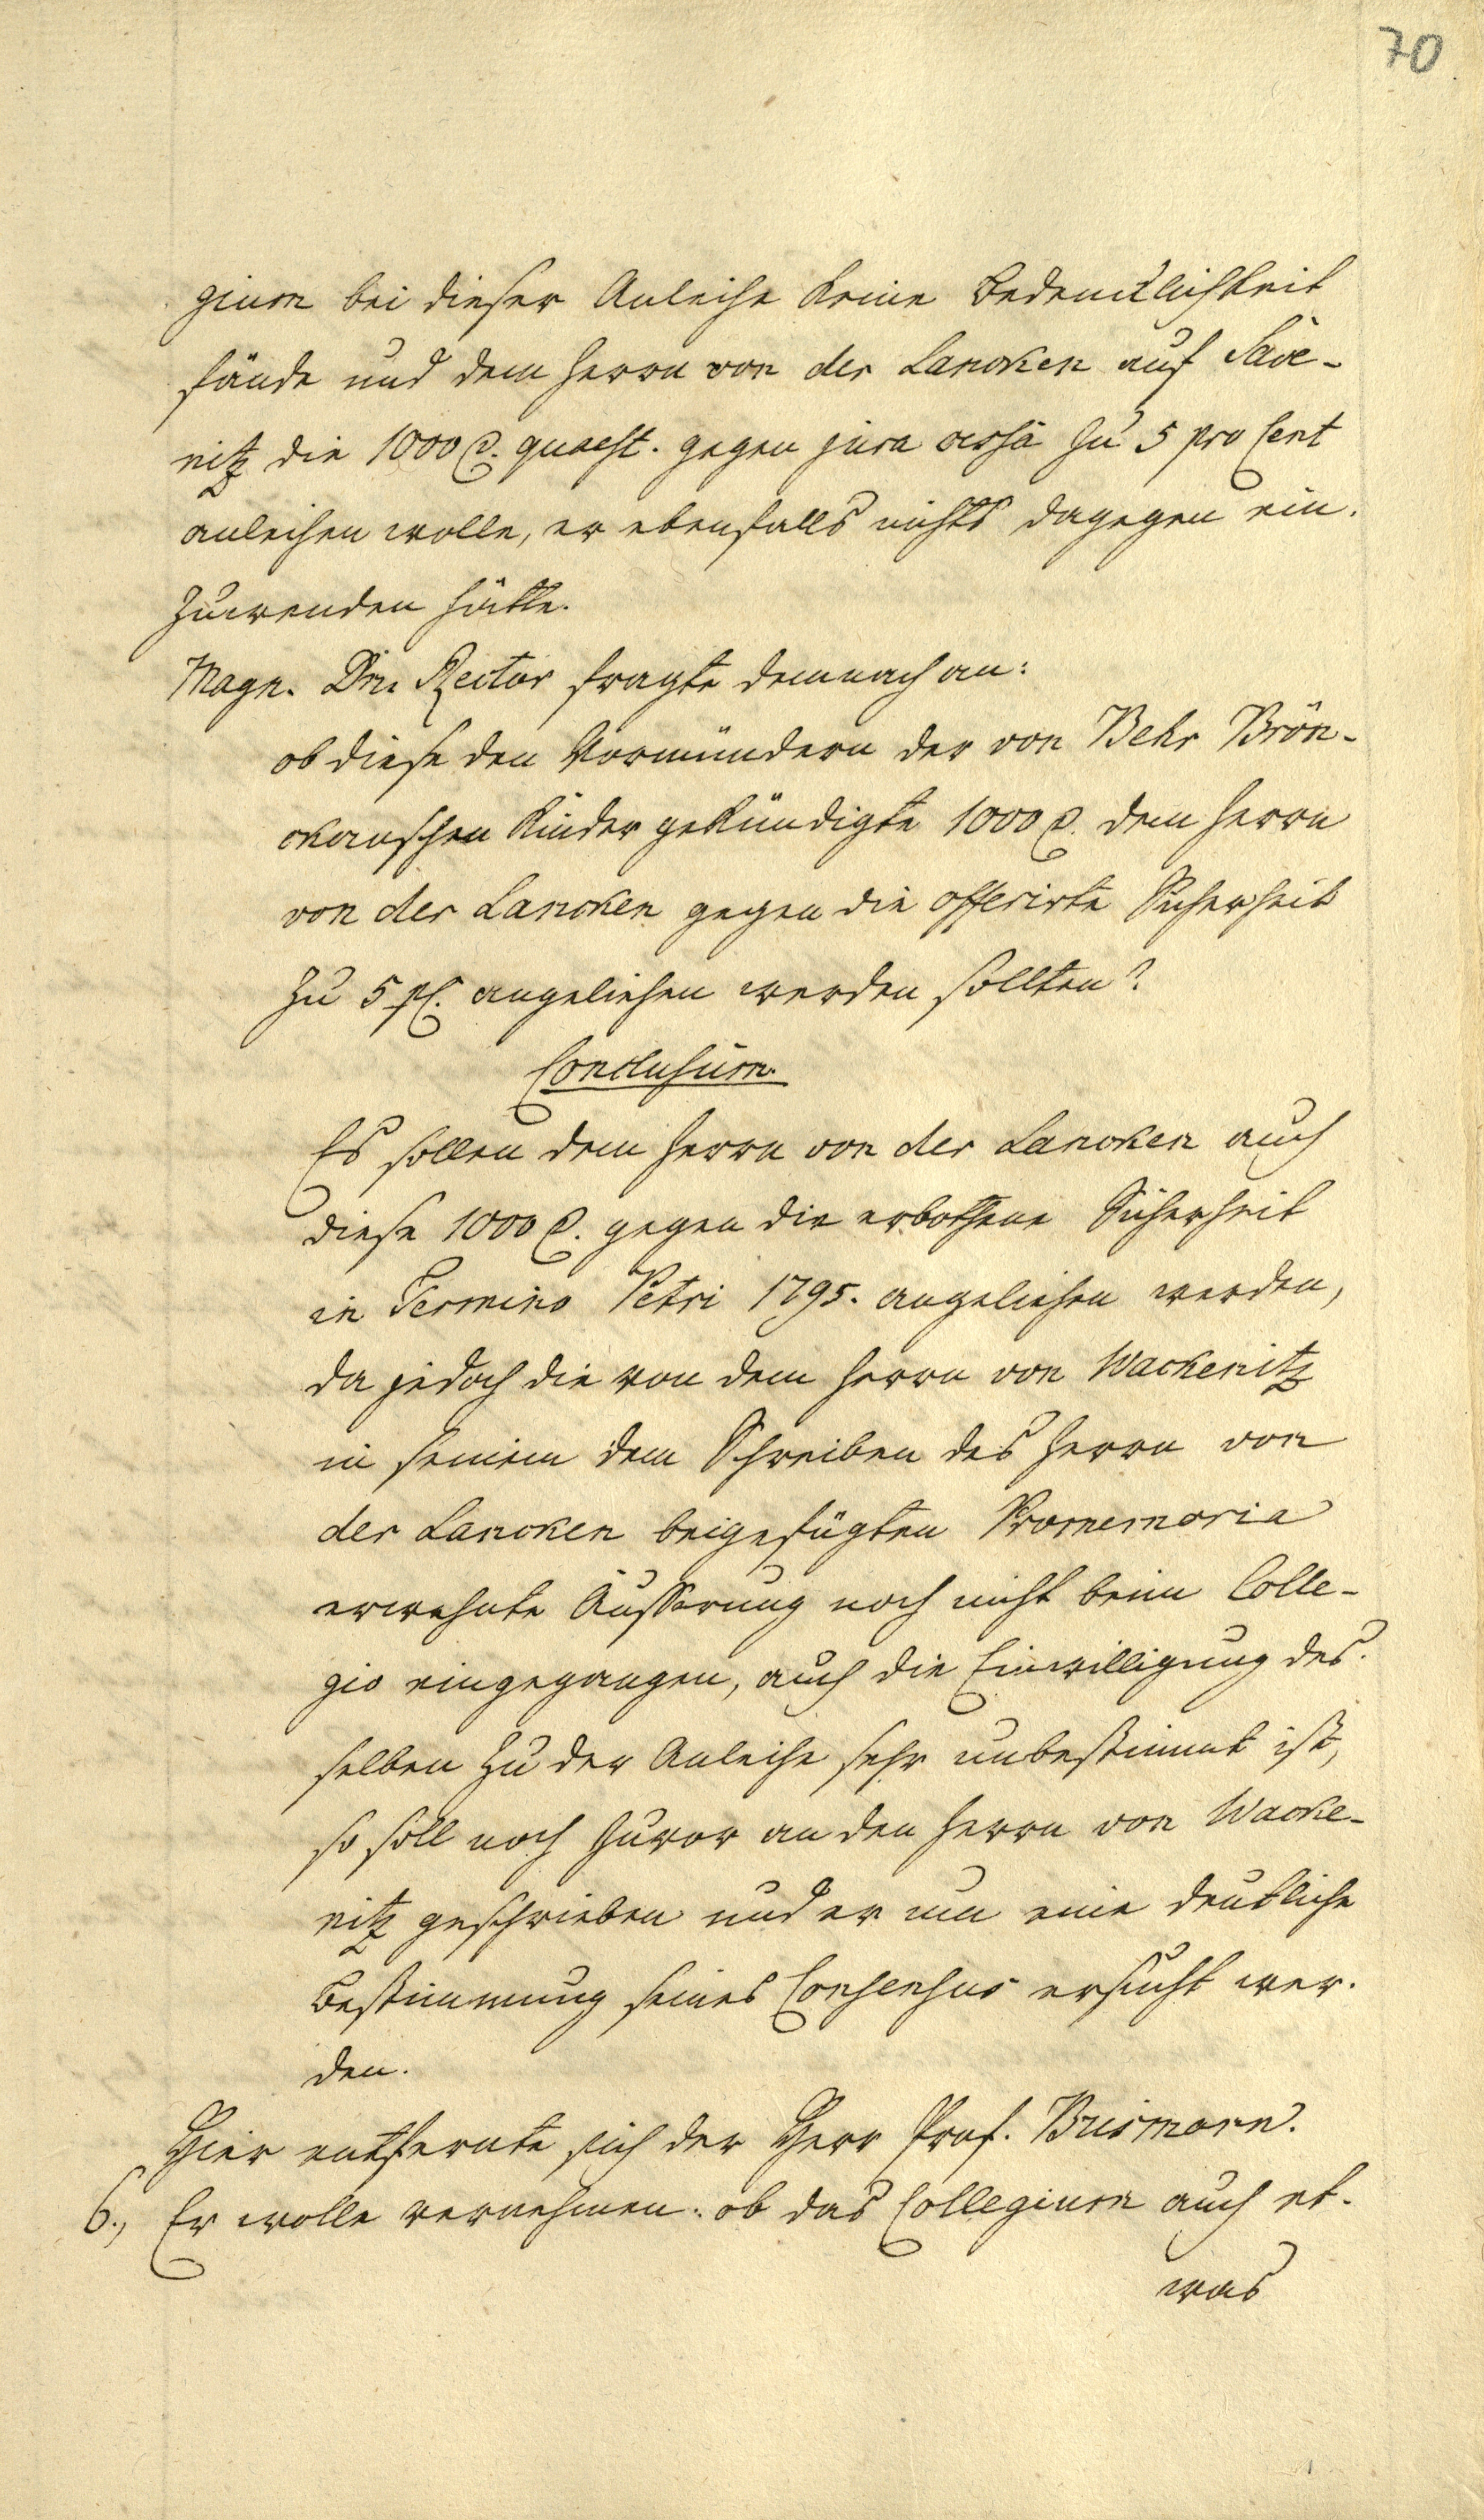gium bei dieser Anleihe keine Bedencklichkeit
fände und dem Herrn von der Lancken auf Save¬
nitz die 1000 l. quaest. gegen jura cessa zu 5 pro cent
anleihen wolle, er ebenfalls nichts dagegen ein¬
zuwenden hätte.
Magn. Dn. Rector fragte demnach an:
ob diese den Vormündern der von Behr Brön
ckernschen Kinder gekündigte 1000 l. dem Herrn
von der Lancken gegen die offerirte Sicherheit
zu 5 pl. angeliehen werden sollten?
Conclusum.
Es sollen dem Herrn von der Lancken auch
diese 1000 l. gegen die erbothene Sicherheit
in Termino Petri 1795. angeliehen werden,
da jedoch die von dem Herrn von Wackenitz
in seinem dem Schreiben des Herrn von
der Lancken beigefügten Promemoria
erwehnte Äusserung noch nicht beim Colle¬
gio eingegangen, auch die Einwilligung des¬
selben zu der Anleihe sehr unbestimmt ist,
so soll noch zuvor an den Herrn von Wacke¬
nitz geschrieben und er um eine deutliche
Bestimmung seines Consensus ersucht wer¬
den.
Hier entfernte sich der Herr Prof. Brismann.
6., Er wolle vernehmen: ob das Collegium auch et¬
was